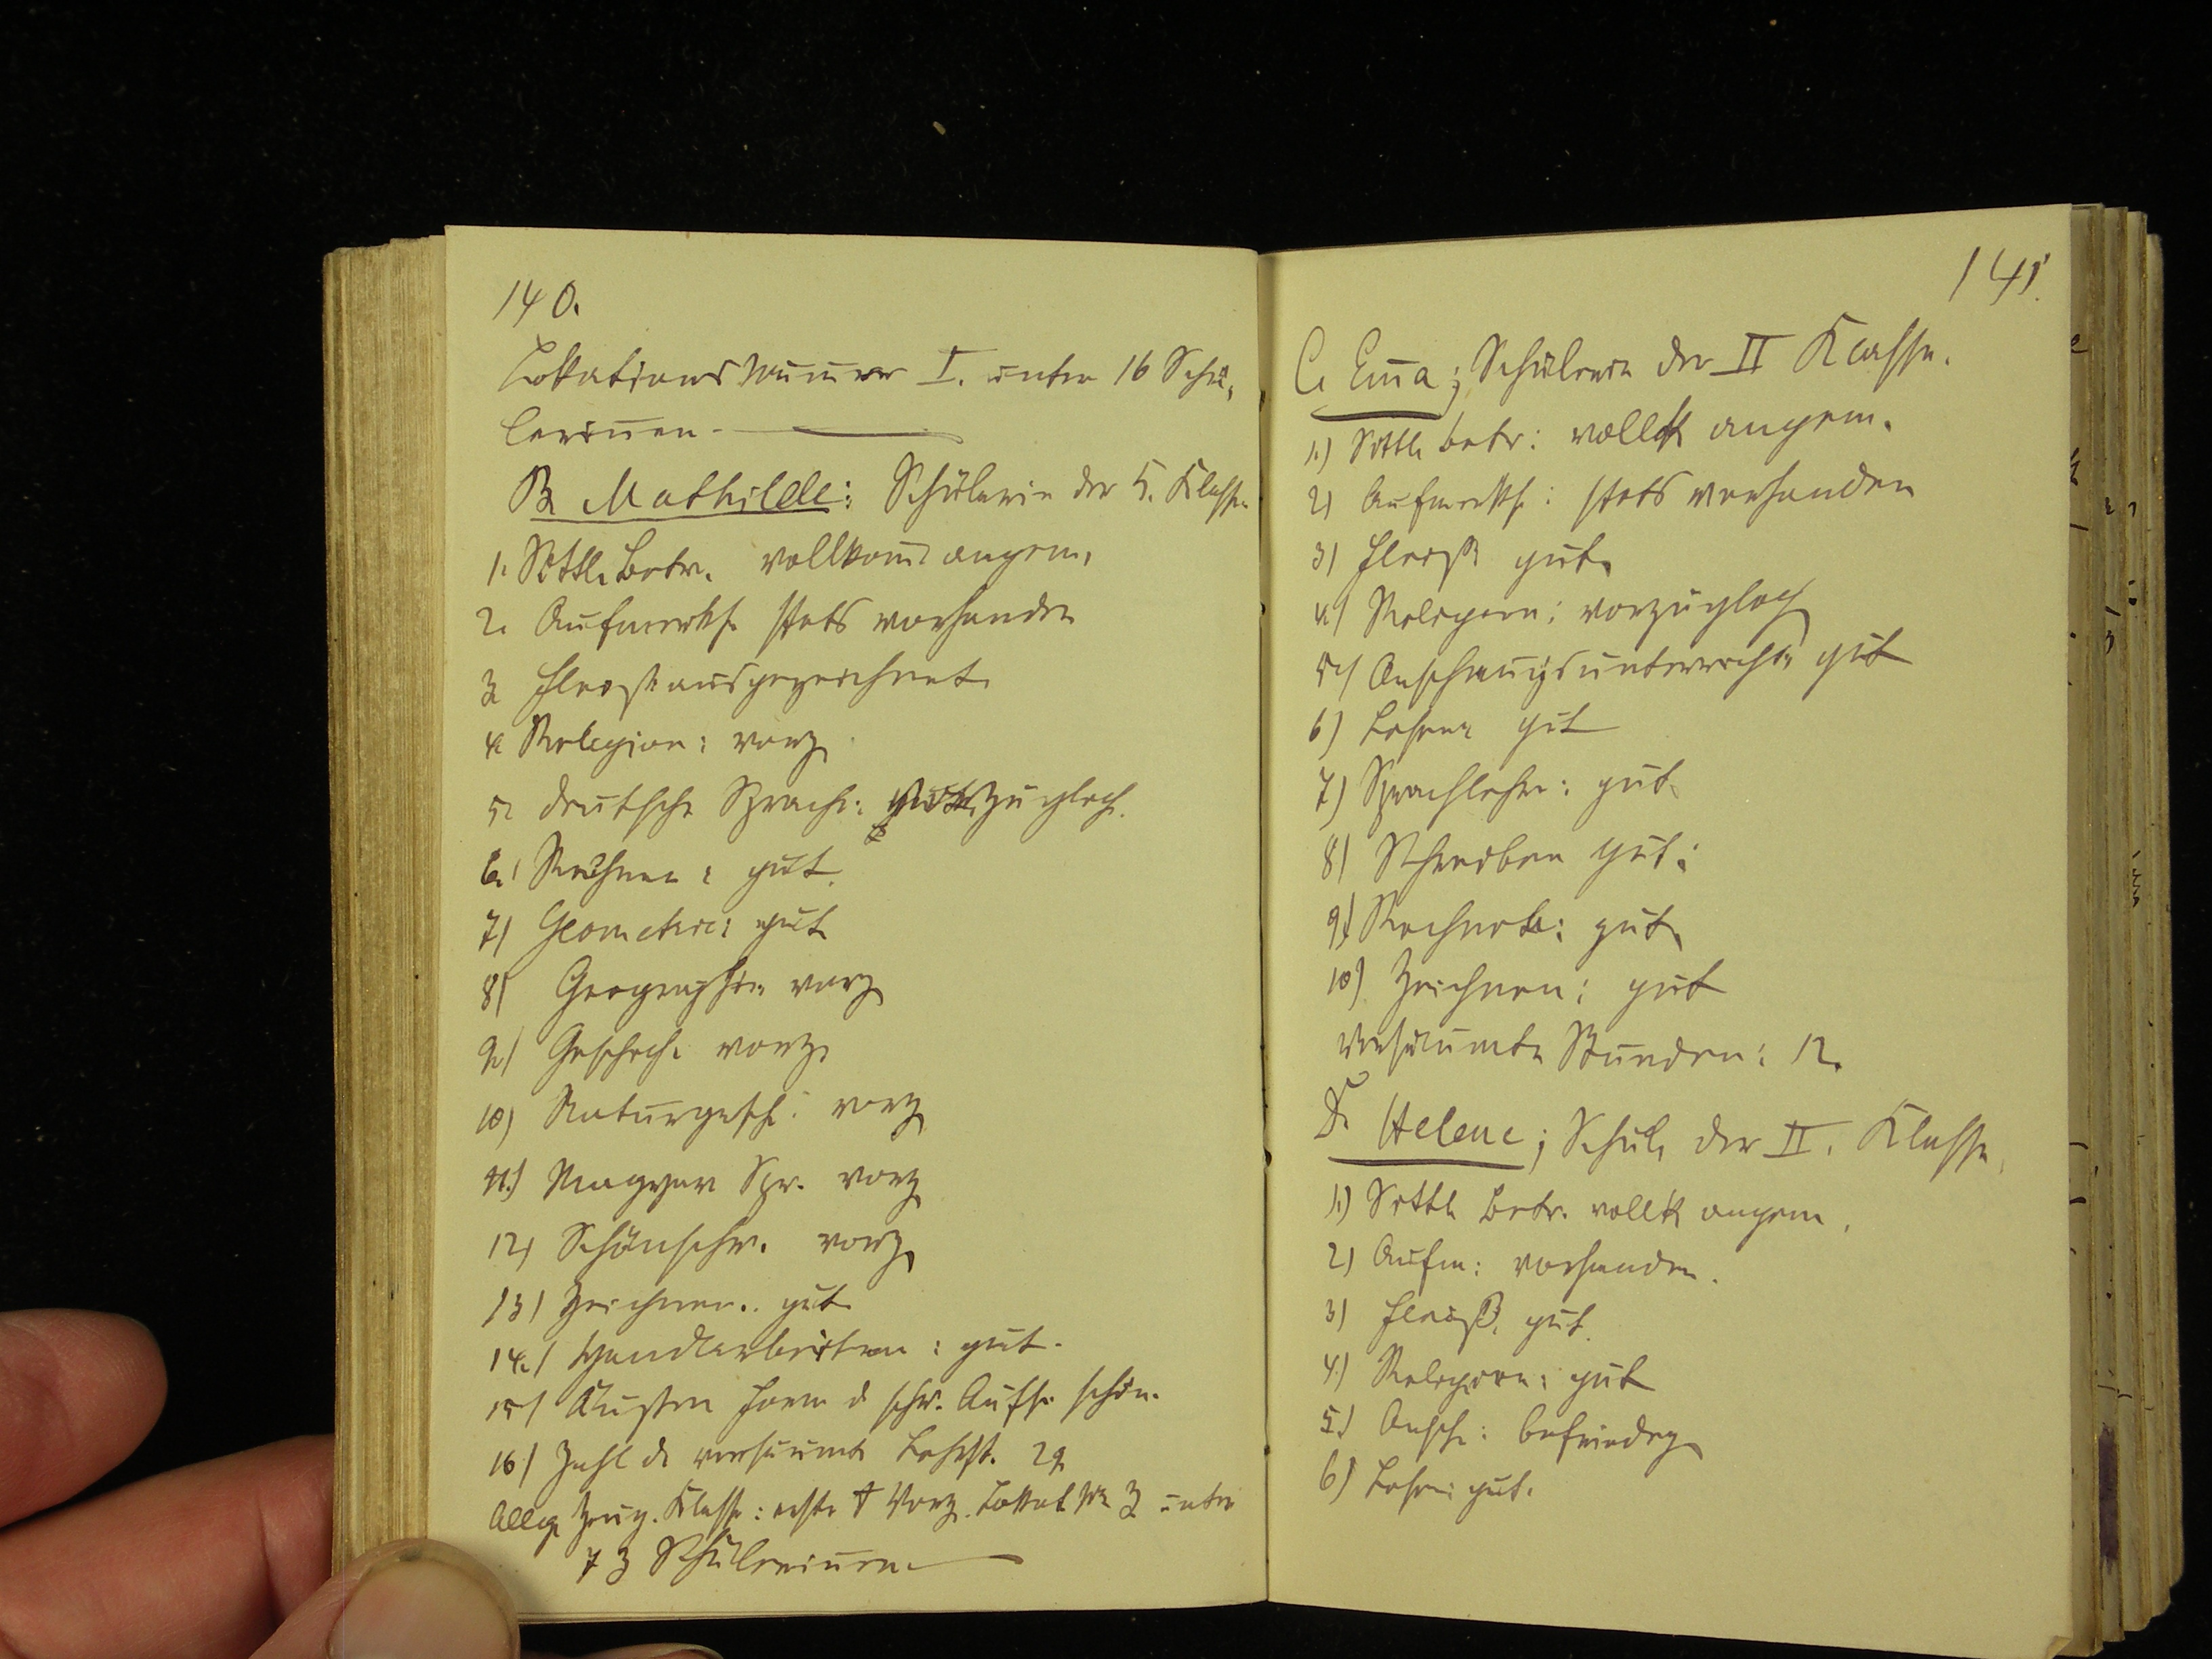140
Lokationsnummer I unter 16 Schü¬
lerinnen.--
B. Mathilde: Schülerin der 5. Klasse.
1. Sittliches Betr.: vollkommen angemessen
2. Aufmerks.: stets vorhanden
3. Fleiß: ausgezeichnet
4. Religion: vorz.
5. Deutsche Sprache : vorzüglich
6. Rechnen: gut
7. Geometrie : gut
8. Geographie: vorzüglich
9. Geschichte: Vorzüglich
10. Naturgeschichte vorzüglich
11. Magyarische Sprache vorzüglich
12. Schönschreiben vorzüglich
13. Zeichnen gut
14. Handarbeiten gut
15. Äußere Form der schriftl. Aufs: schön
16. Zahl der versäumten Lehrst. 29
Allg. Zug. Klasse, : erste mit Vorz. Lokat.Nr. 3 von
73 Schülerinnen.--
141
C. Emma… Schülerin der II Klasse.
1. Sittl. Betragen vollk. angemessen
2. Aufmerks: t stets vorhanden
3. Fleiß gut
4.Religion vorzüglich
5. Anschaungsunterricht gut
6. Lesen gut
7. Sprachlehre gut
8. Schreiben: gut
9. Rechnen: gut
10. Zeichnen: gut
Versäumte Stunden: 12
D. Helene.. Schülerin der II klasse
1. Sittl. Betragen vollkommen angemessen
2. Aufmerks. vorhanden
3. Fleiß: gut
4. Religion: gut
5. Anschaungs.: befriedigend
6. Lesen gut